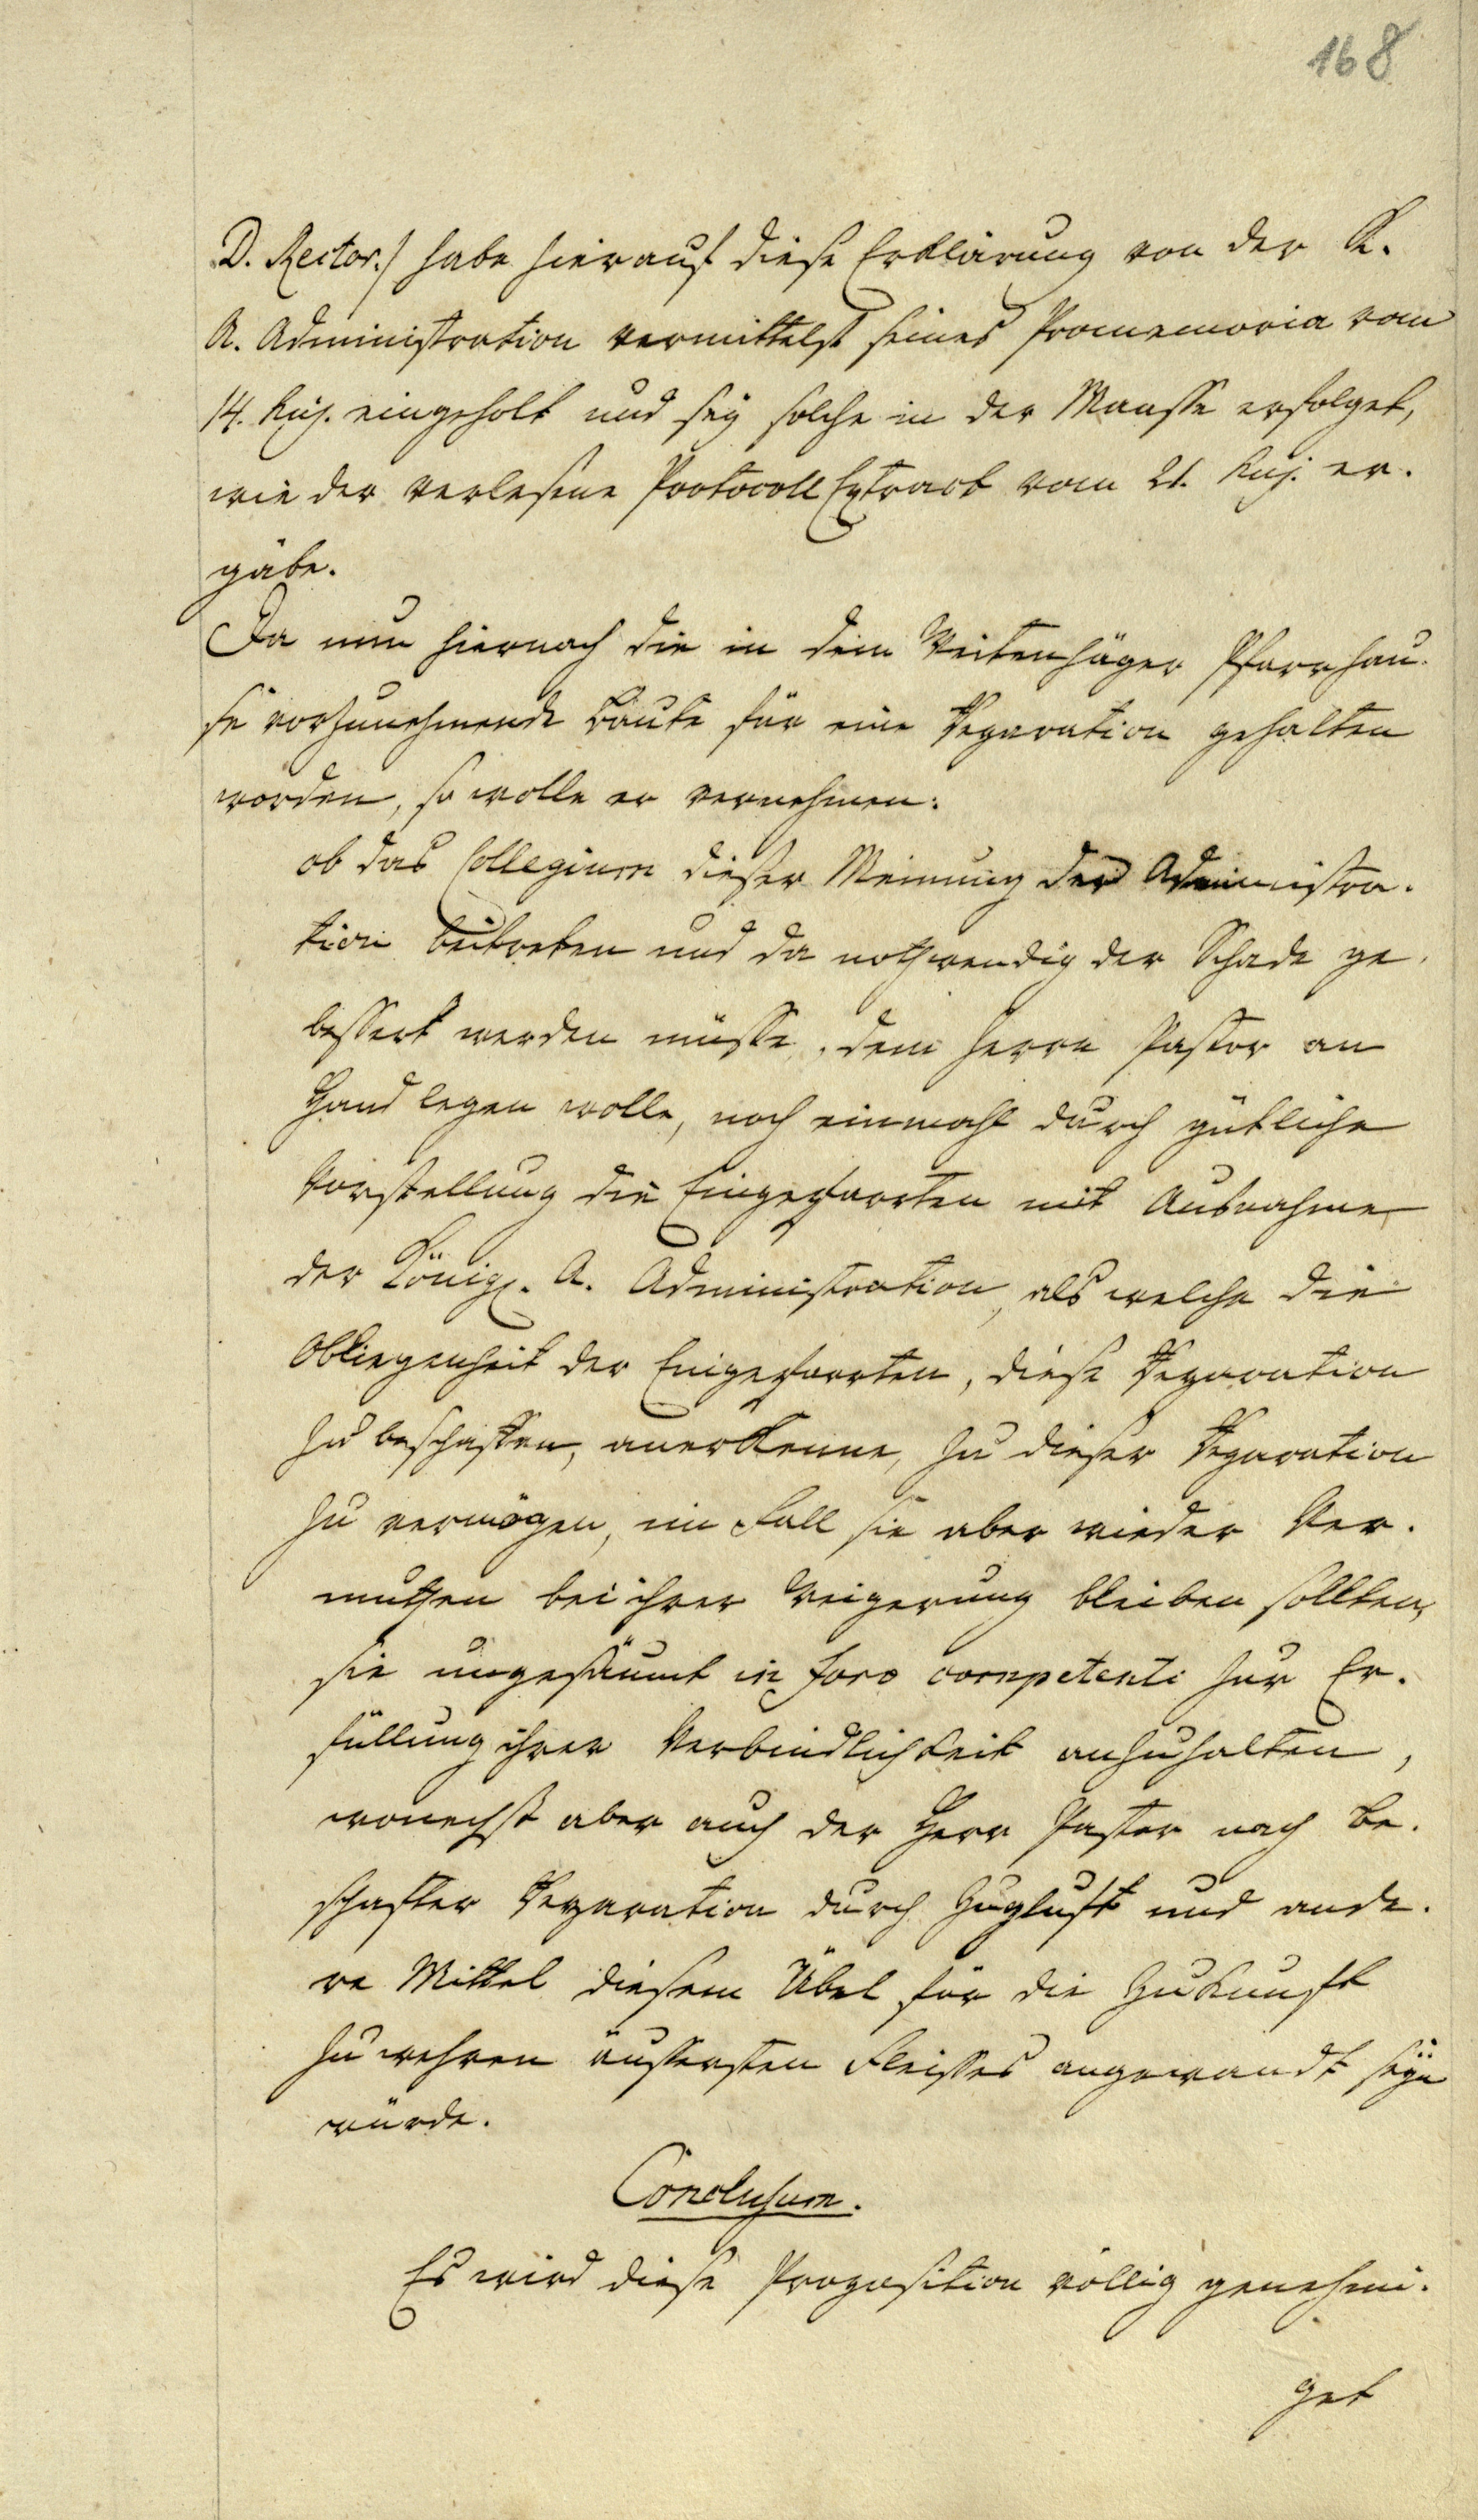D. Rector :/ habe hierauf diese Erklärung von der K.
A. Administration vermittelst seines Promemoria vom
14. huj. eingeholt und seÿ solche in der Maasse erfolget,
wie der verlesene Protocoll Extract vom 21. huj. er¬
gäbe.
Da nun hiernach die in dem Weitenhäger Pfarrhau¬
se vorzunehmende Baute für eine Reparation gehalten
worden, so wolle er vernehmen:
ob das Collegium dieser Meinung der Administra¬
tion beitreten und da nothwendig der Schade ge¬
bessert werden müsse, dem Herrn Pastor an
Hand legen wolle, noch einmahl durch gütliche
Vorstellung die Eingepfarrten mit Ausnahme
der Königl. A. Administration, als welche die
Obliegenheit der Eingepfarrten, diese Reparation
zu beschaffen, anerkenne, zu dieser Reparation
zu vermögen, im Fall sie aber wieder Ver¬
muthen bei ihrer Weigerung bleiben sollten,
sie ungesäumt in foro competenti zur Er¬
füllung ihrer Verbindlichkeit anzuhalten,
wonechst aber auch der Herr Pastor nach be¬
schafter Reparation durch Zugluft und ande¬
re Mittel diesem Übel für die Zukunft
zu wehren äussersten Fleisses angewandt seÿn
würde.
Conclusum.
Es wird diese Proposition völlig genehemi¬
get.